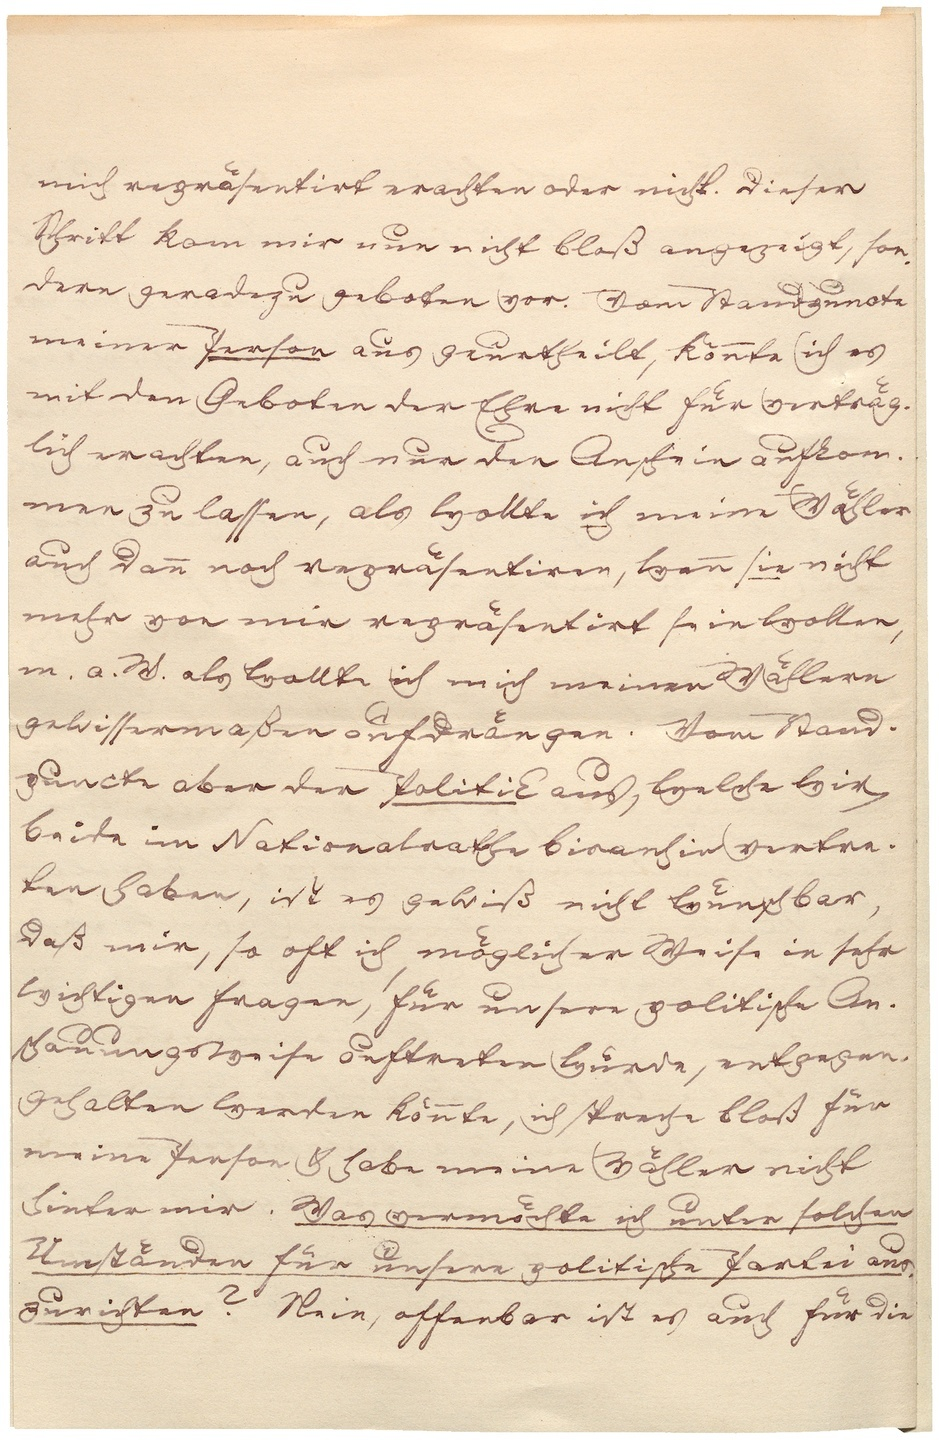mich repräsentirt erachten oder nicht. Dieser
Schritt kam mir nun nicht bloß angezeigt, son-
dern geradezu geboten vor. Vom Standpuncte
meiner Person aus geurtheilt, könnte ich es
mit den Geboten der Ehre nicht für verträg-
lich erachten, auch nur den Anschein aufkom-
men zu lassen, als wollte ich meine Wähler
auch dann noch repräsentiren, wenn sie nicht
mehr von mir repräsentirt sein wollen,
m. a. W. als wollte ich mich meinen Wählern
gewissermaßen aufdrängen. Vom Stand-
puncte aber der Politik aus, welche wir
beide im Nationalrathe bisanhin vertre-
ten haben, ist es gewiß nicht wünschbar,
daß mir, so oft ich, möglicher Weise in sehr
wichtigen Fragen, für unsere politische An-
schauungsweise auftreten würde, entgegen-
gehalten werden könnte, ich spreche bloß für
meine Person & habe meine Wähler nicht
hinter mir. Was vermöchte ich unter solchen
Umständen für unsere politische Partei aus-
zurichten? Nein, offenbar ist es auch für die